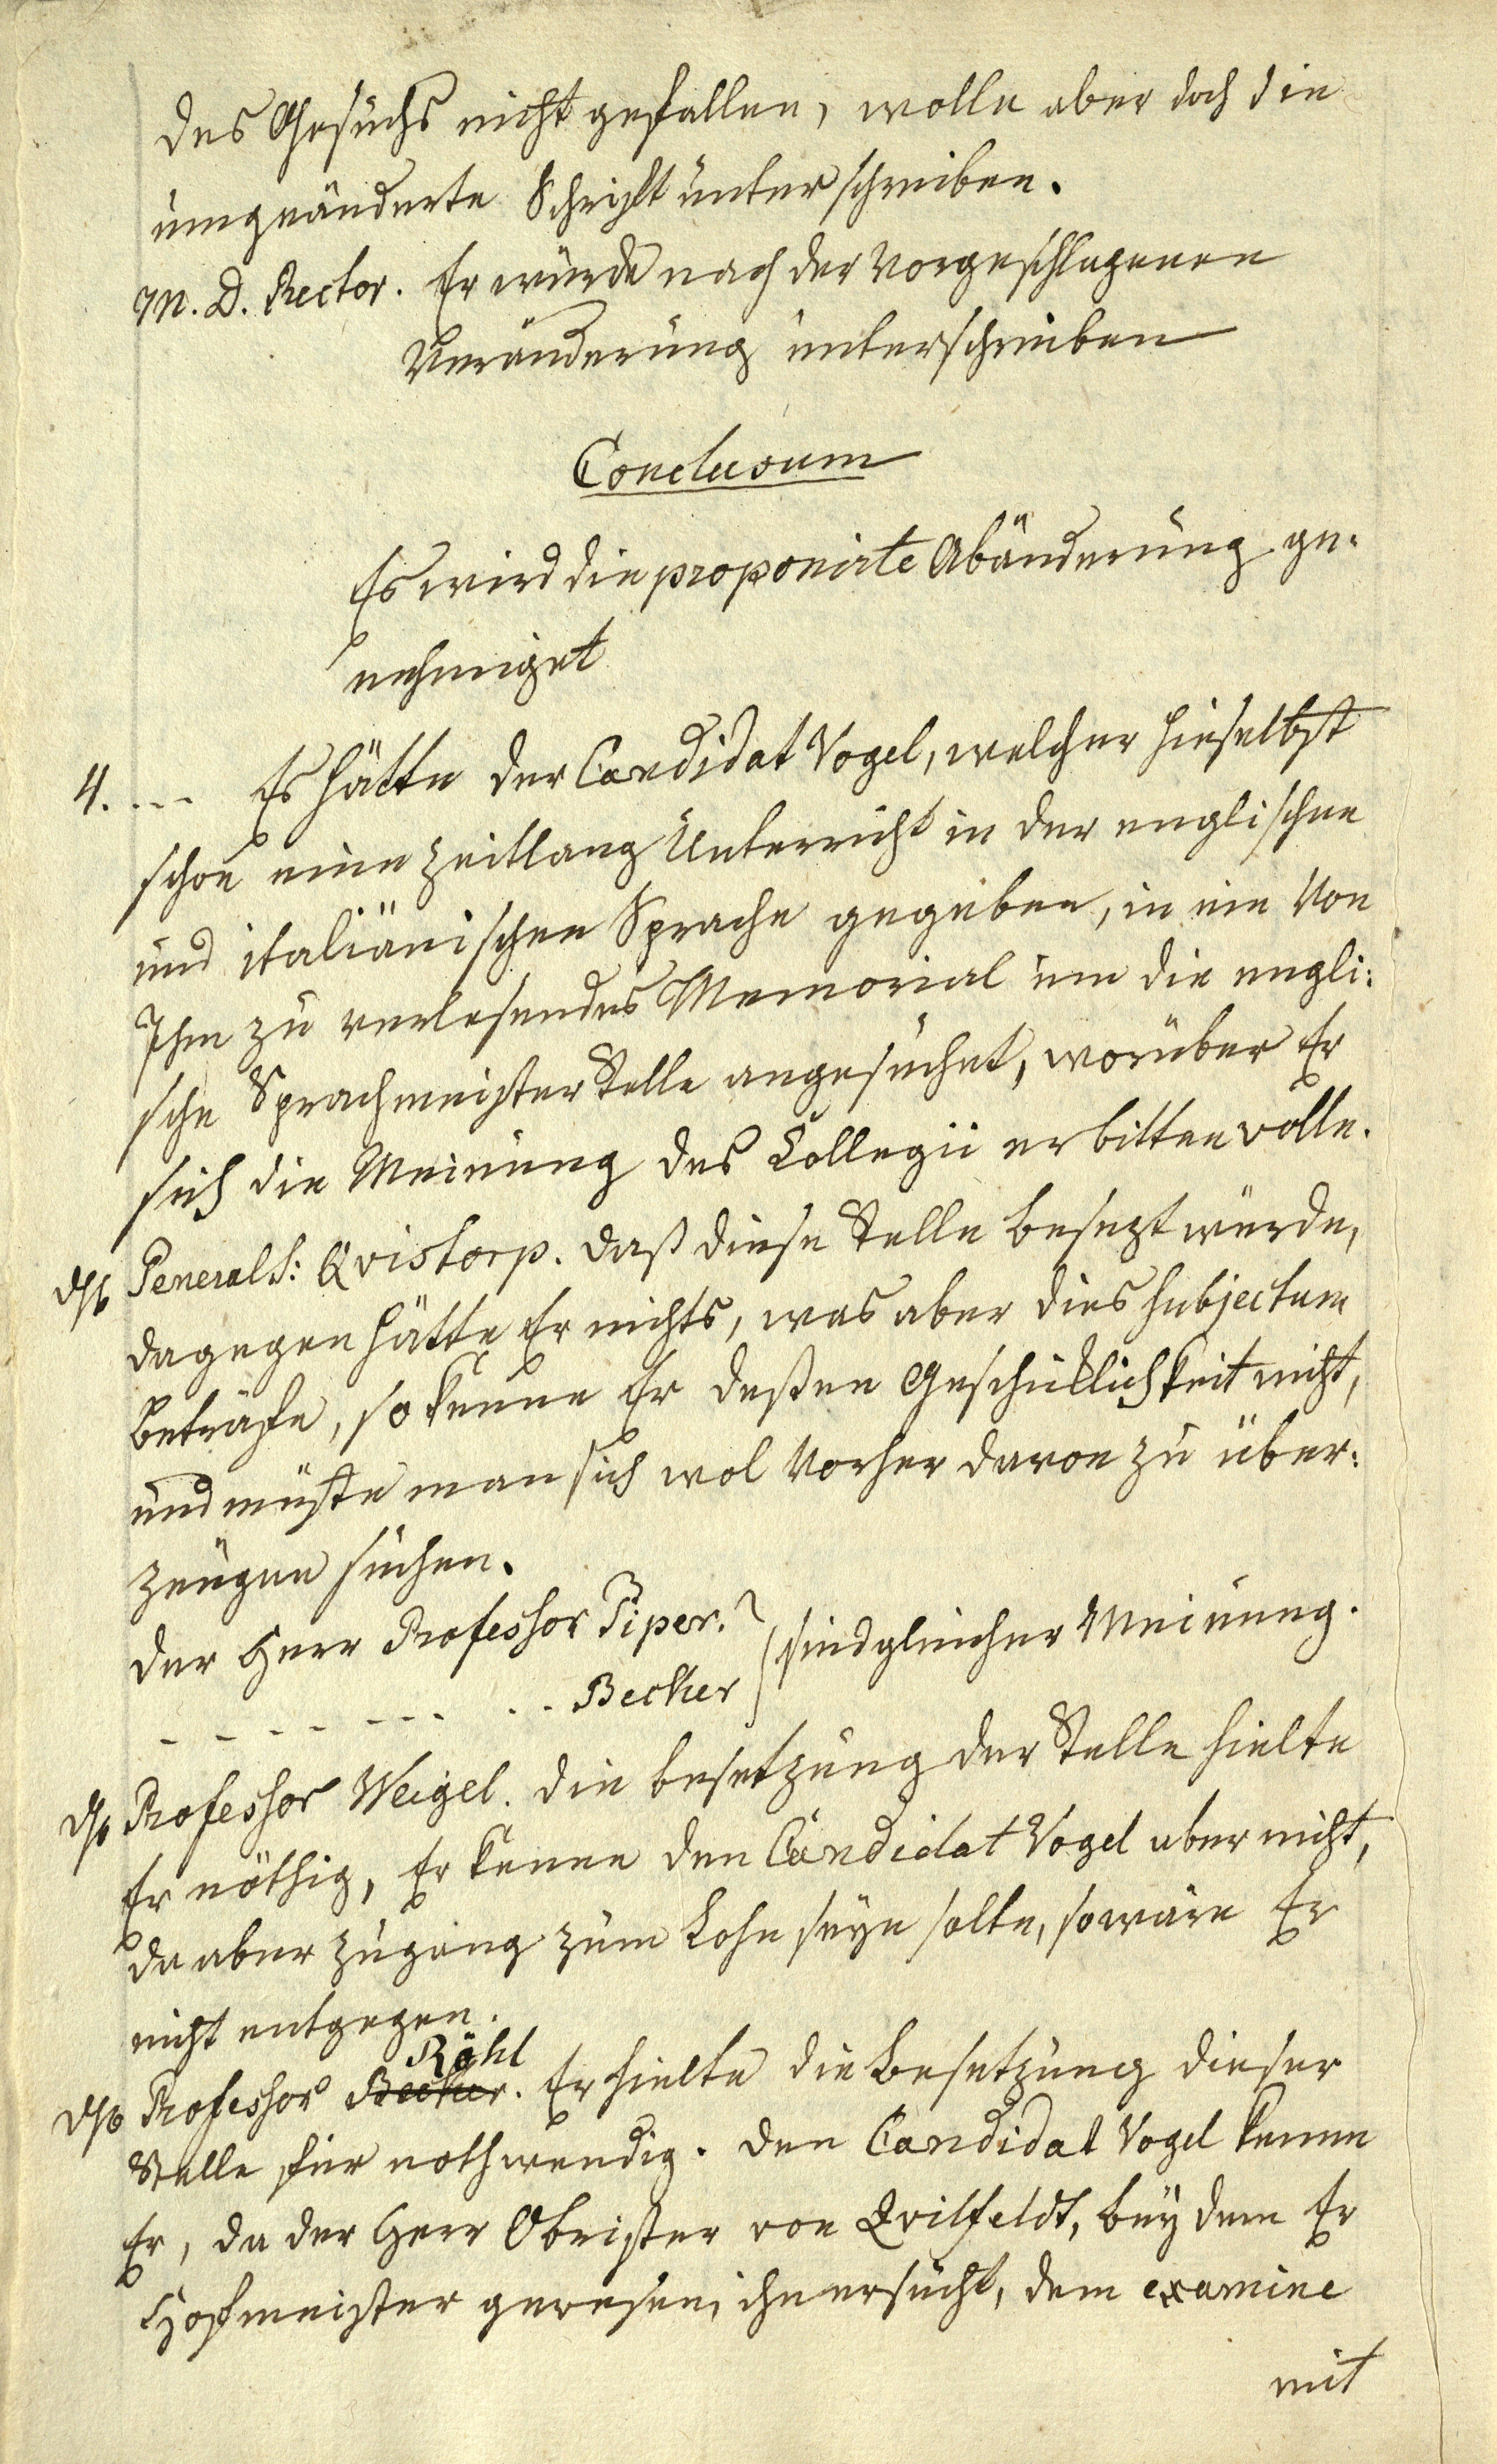des Gesuchs nicht gefallen, wolle aber doch die
umgeänderte Schrift unterschreiben.
M. D. Rector. Er würde nach der vorgeschlagenen
Veränderung unterschreiben.
Conclusum
Es wird die proponirte Abänderung ge¬
nehmiget.
4. Es hätte der Candidat Vogel, welcher hieselbst
schon eine zeitlang Unterricht in der englischen
und italiänischen Sprache gegeben, in ein von
Ihm zu verlesendes Memorial um die engli¬
sche Sprachmeister Stelle angesuchet, worüber Er
sich die Meinung des Collegii erbitten wolle.
dh GeneralS. Quistorp. Daß diese Stelle besezt würde,
dagegen hätte Er nichts, was aber dies Subjectum
beträfe, so kenne Er deßen Geschicklichkeit nicht,
und müste man sich wol vorher davon zu über¬
zeugen suchen.
der Herr Professor Piper.
sind gleicher Meinung.
Becker
dh Professor Weigel. Die Besetzung der Stelle hielte
Er nöthig, Er kenne den Candidat Vogel aber nicht,
da aber Zugang zum Lohn seÿn solte, so wäre Er
nicht entgegen.
dh Professor Becker. Er hielte die Besetzung dieser
Röhl
Stelle für nothwendig. Den Candidat Vogel kenne
Er, da der Herr Obrister von Quilfeldt, beÿ dem Er
Hofmeister gewesen, ihn ersucht, dem examine
mit